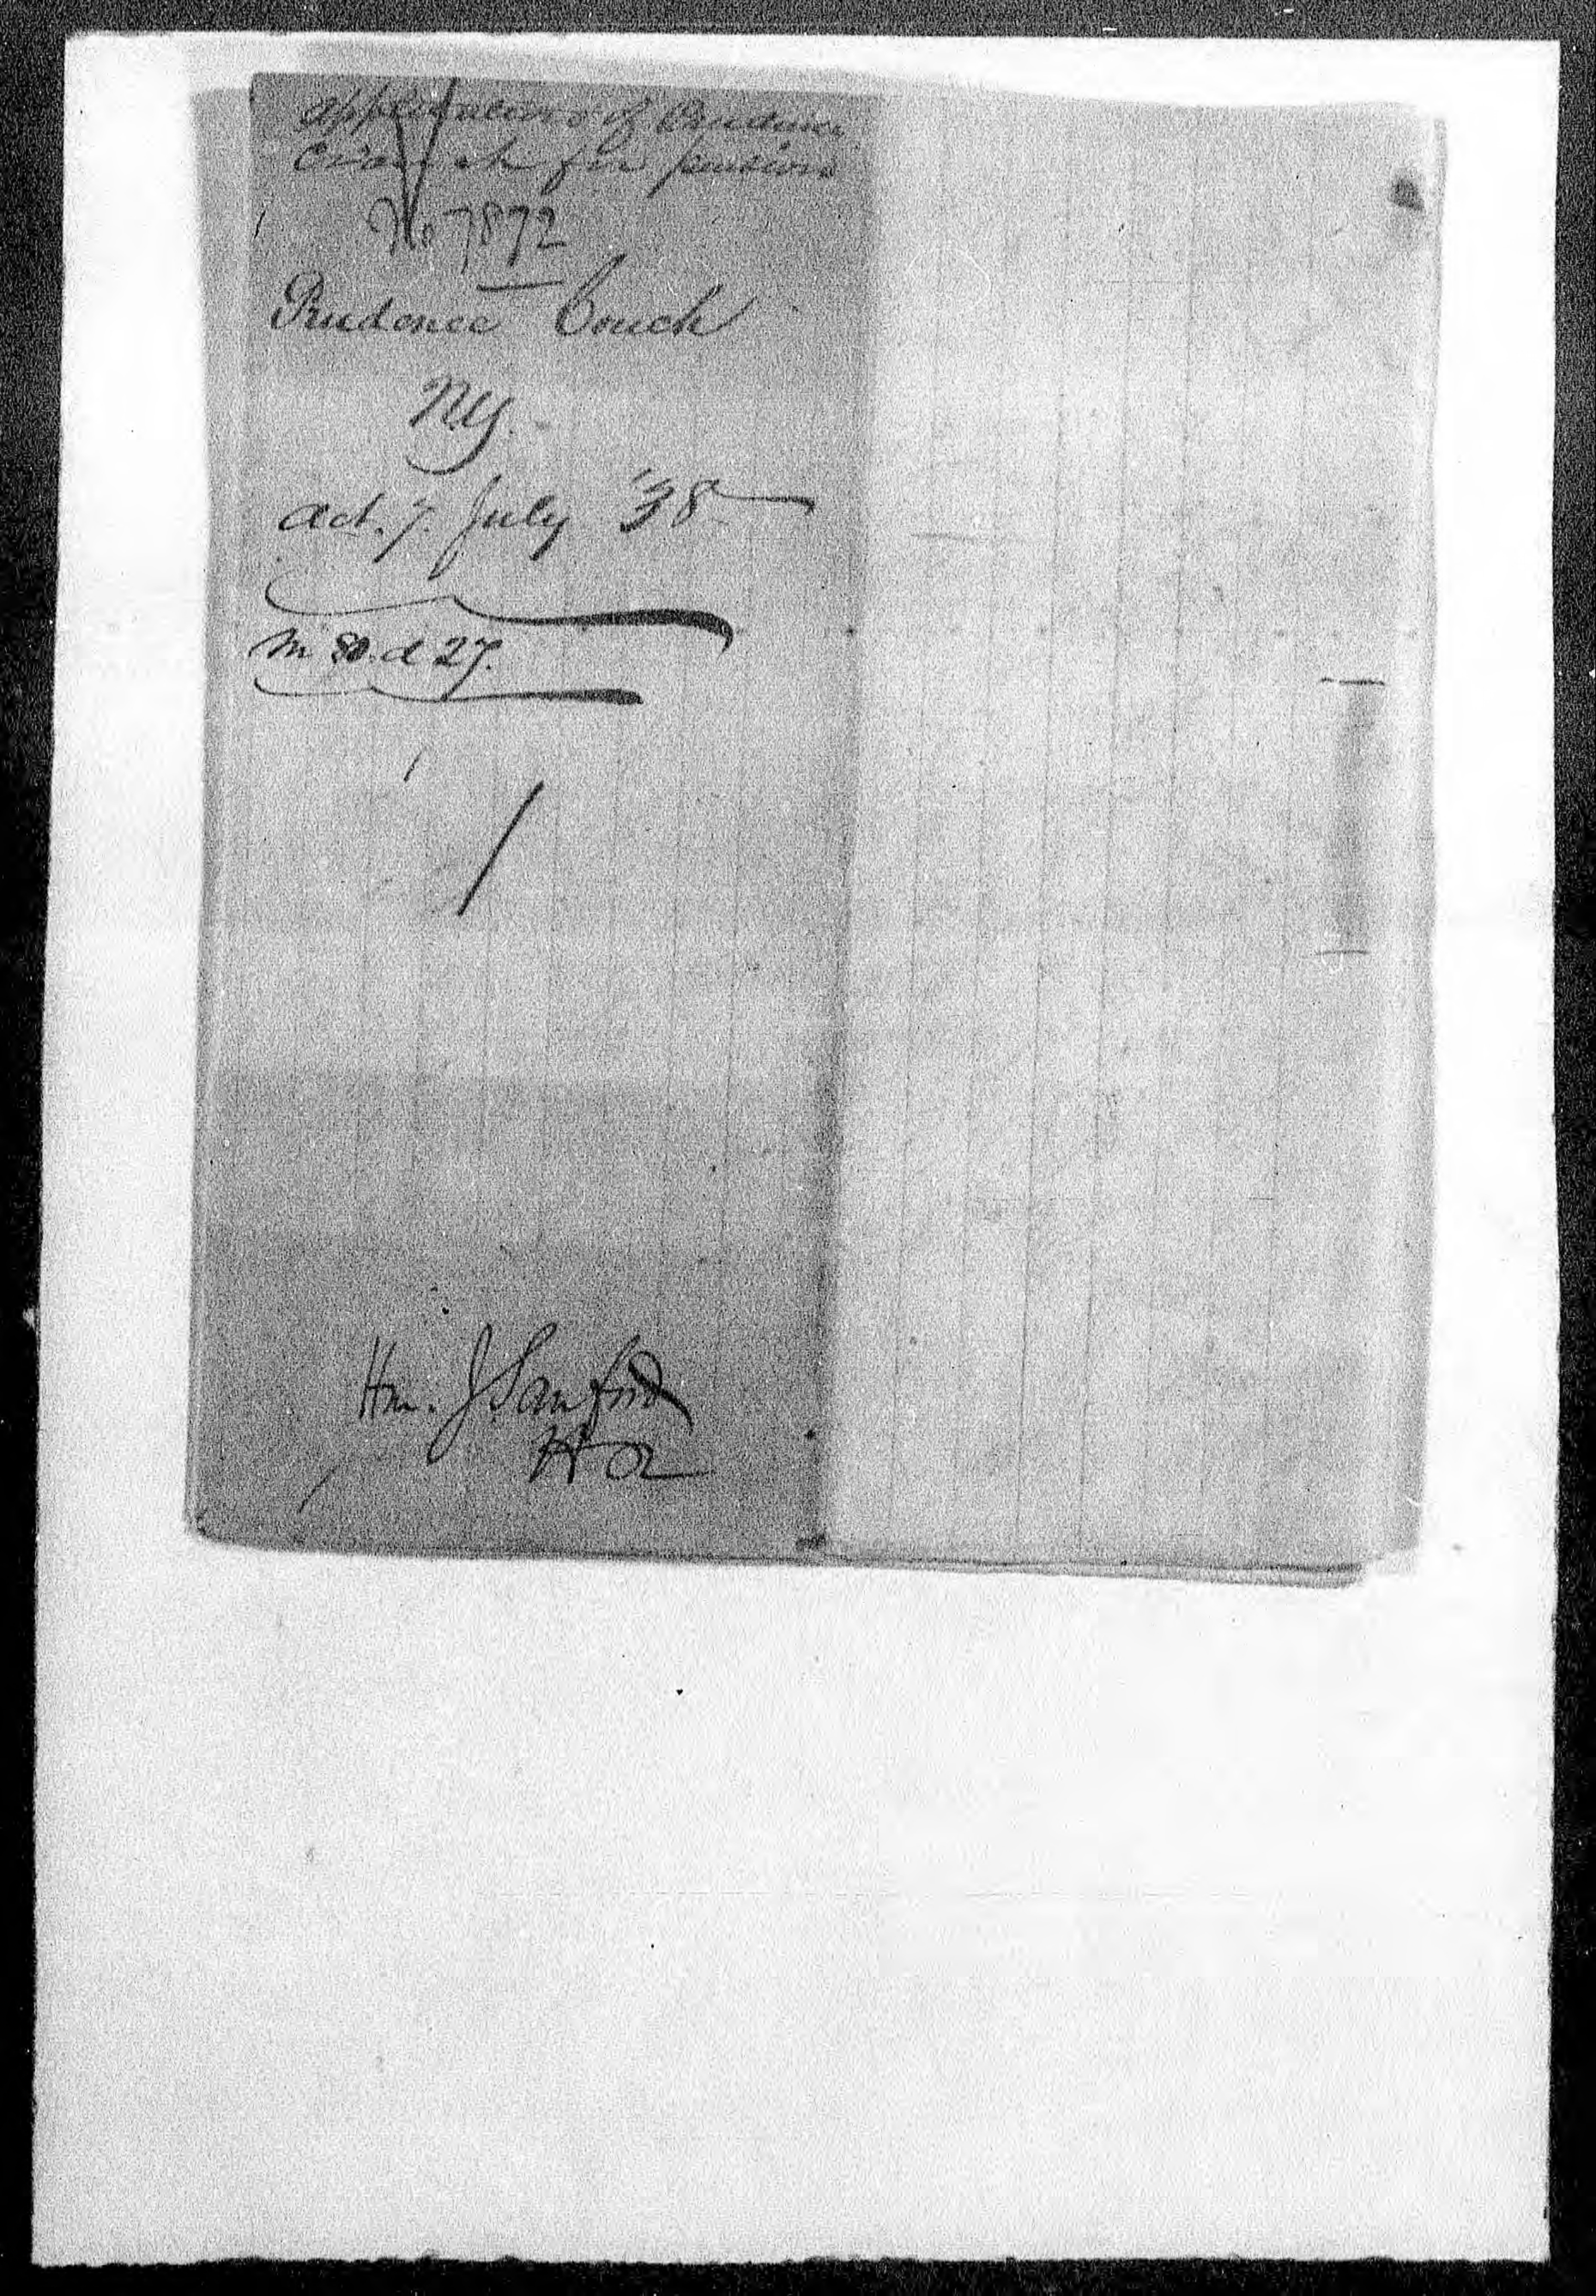application of Prudence
Couch for pension
No 7872
Prudence Couch
NY
act 7 July '38
m 80 d 27


Hon. J Sanford
HR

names: J Sanford, Prudence Couch, Prudence Crouch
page: 13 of 68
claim: rejected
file: R. 2,360, John Couch, Conn.